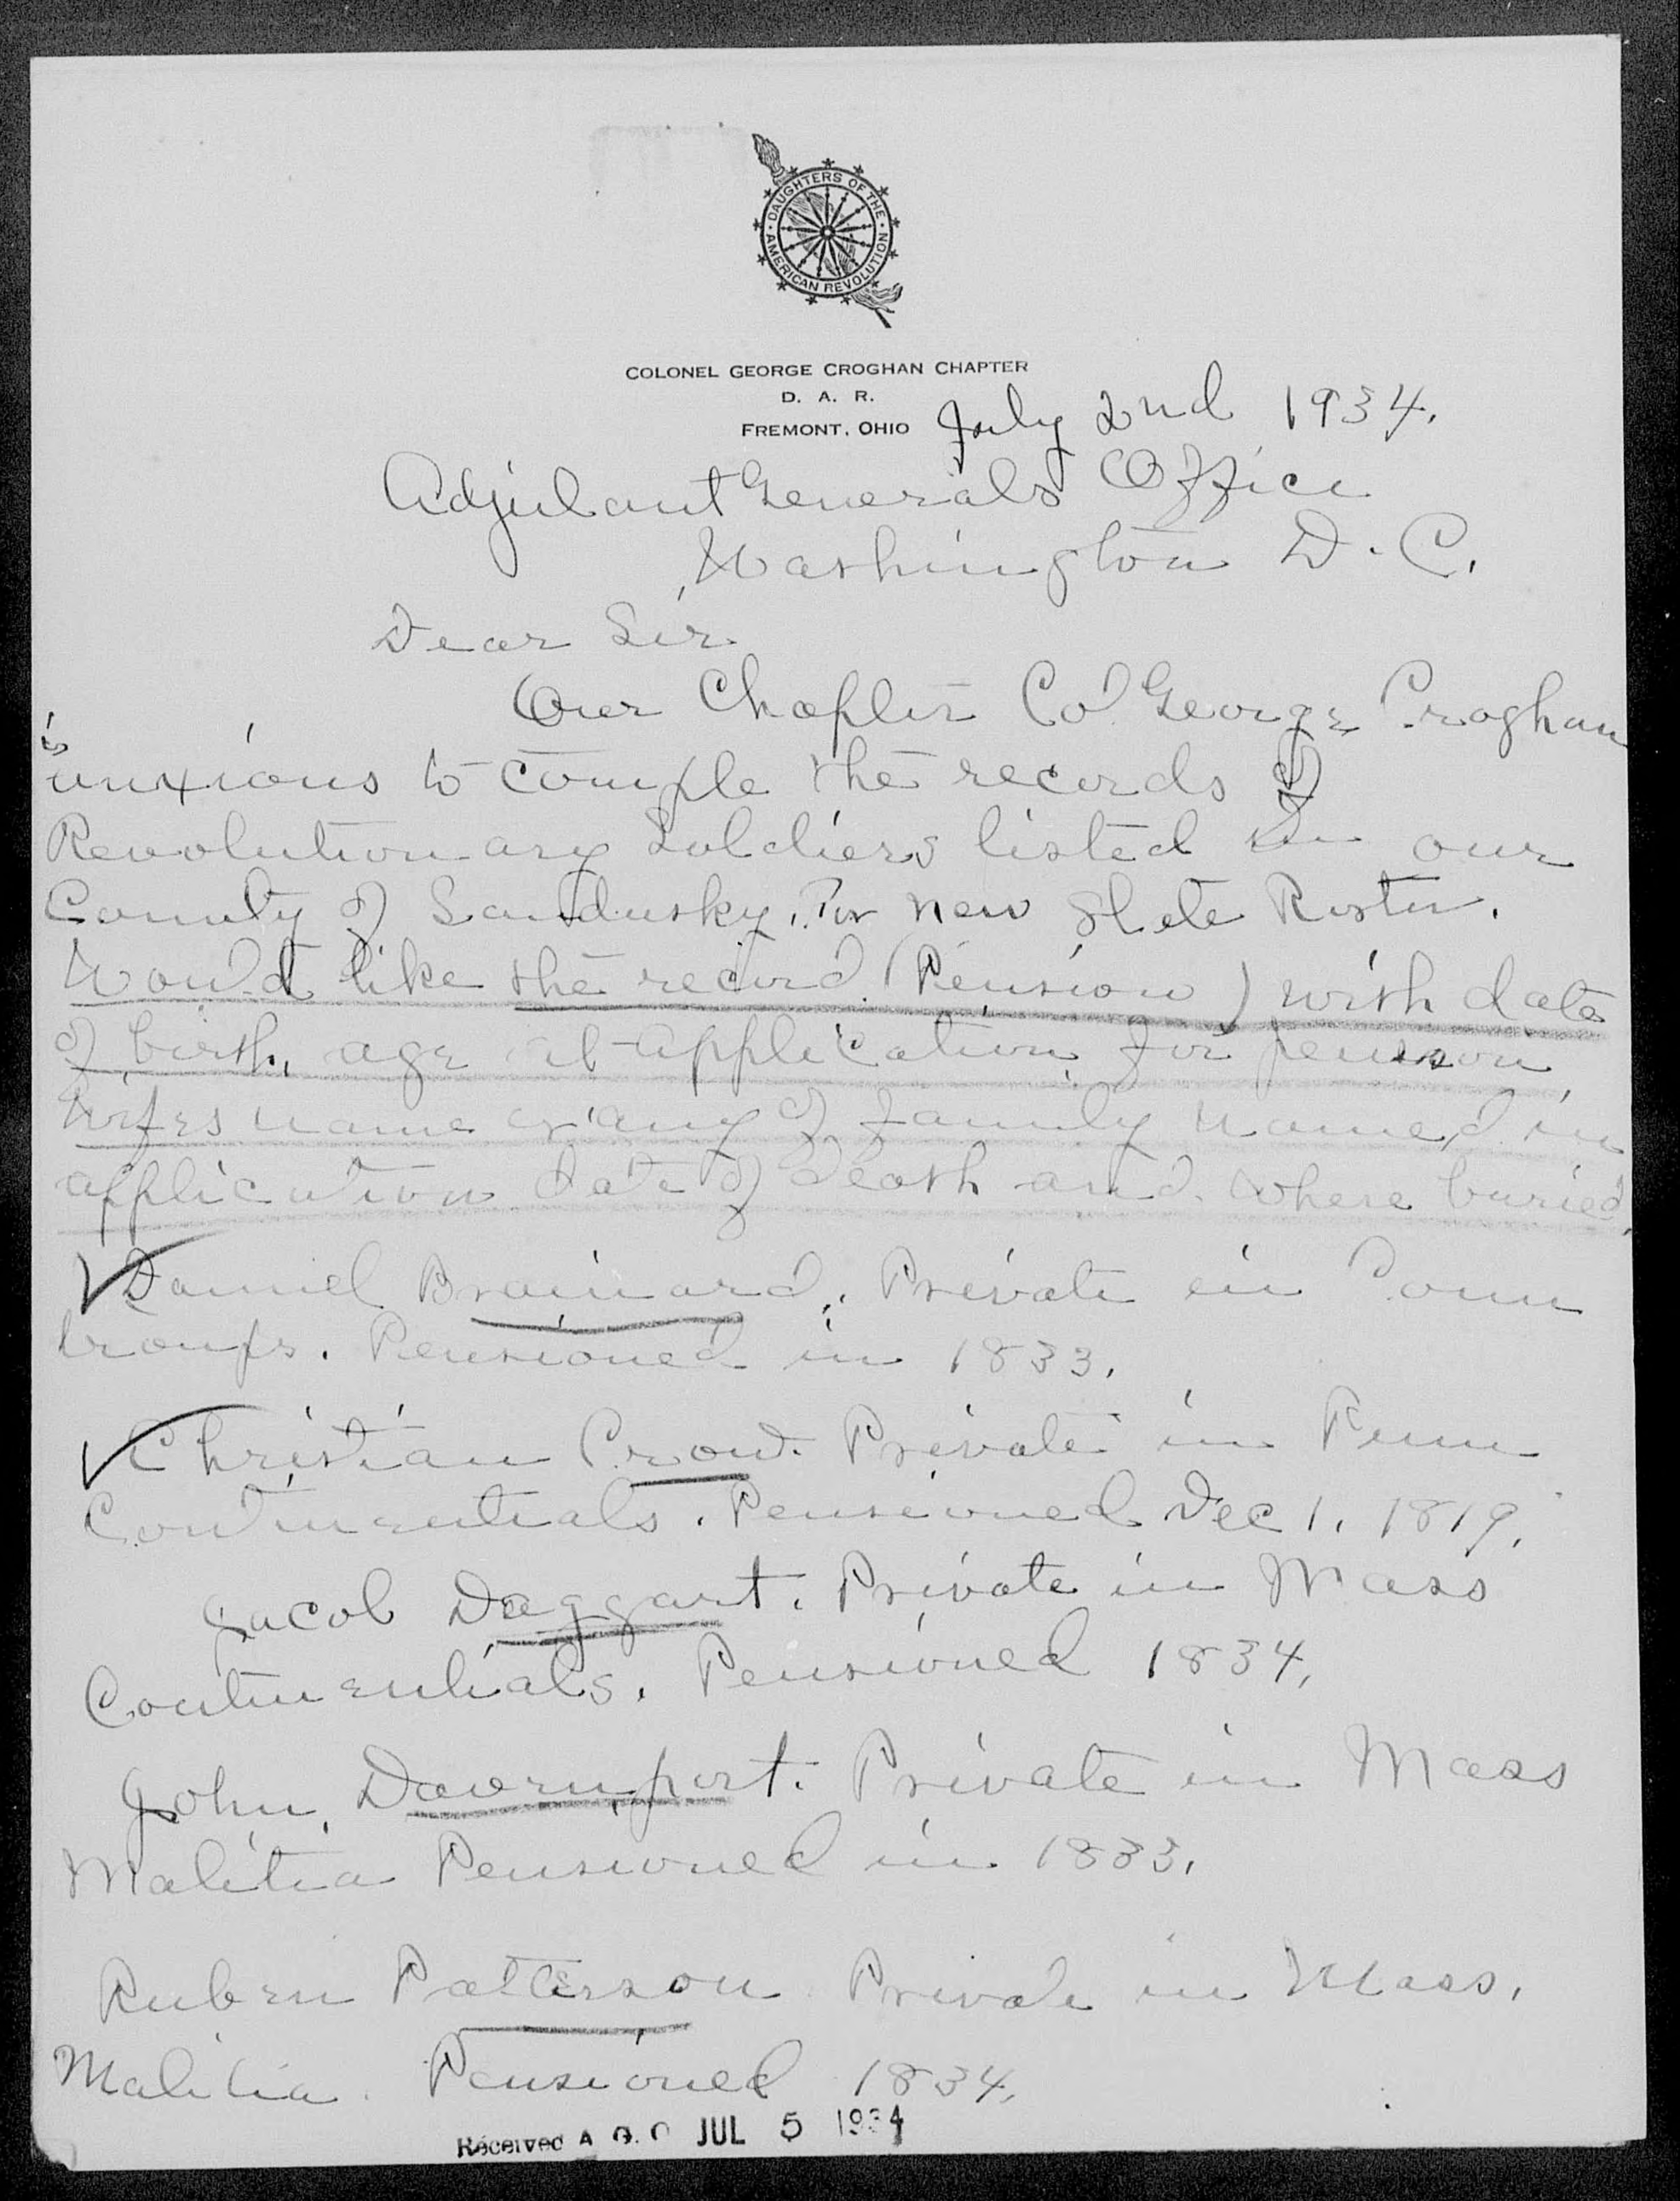Colonel George Croghan Chapter
D.A.R.
Fremont, Ohio
July 2nd, 1934
Adjutant General Office
Washington D.C.
Dear Sir.
Our Chapter Col. George Corghan is anxious to couple the records of Revolutionary soldiers listed in the county of Sandusky per new state roster.
Would like the record (Pension) with date of birth, age at application for pension, wifes name or any of family name in application, date of death and where buried.
Daniel Brainard, Private in Conn troops Pensioned in 1833.
Christian Croud. Private in Penn Continenatls. Pensioned Dec 1 1819
Jacob Daggart, Private in Mass Continentals, Pensioned 1834
John Davenport, Private in Mass
Militia. Pensioned in 1833.
Ruben Patterson Private in Mass. Militia, Pensioned 1834.
RECEIVED JUL 5 1934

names: Ruben Patterson, George Croghan, Jacob Daggart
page: 22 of 30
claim: survivor's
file: S. 3099, Daniel Brainard, Conn. Privateer